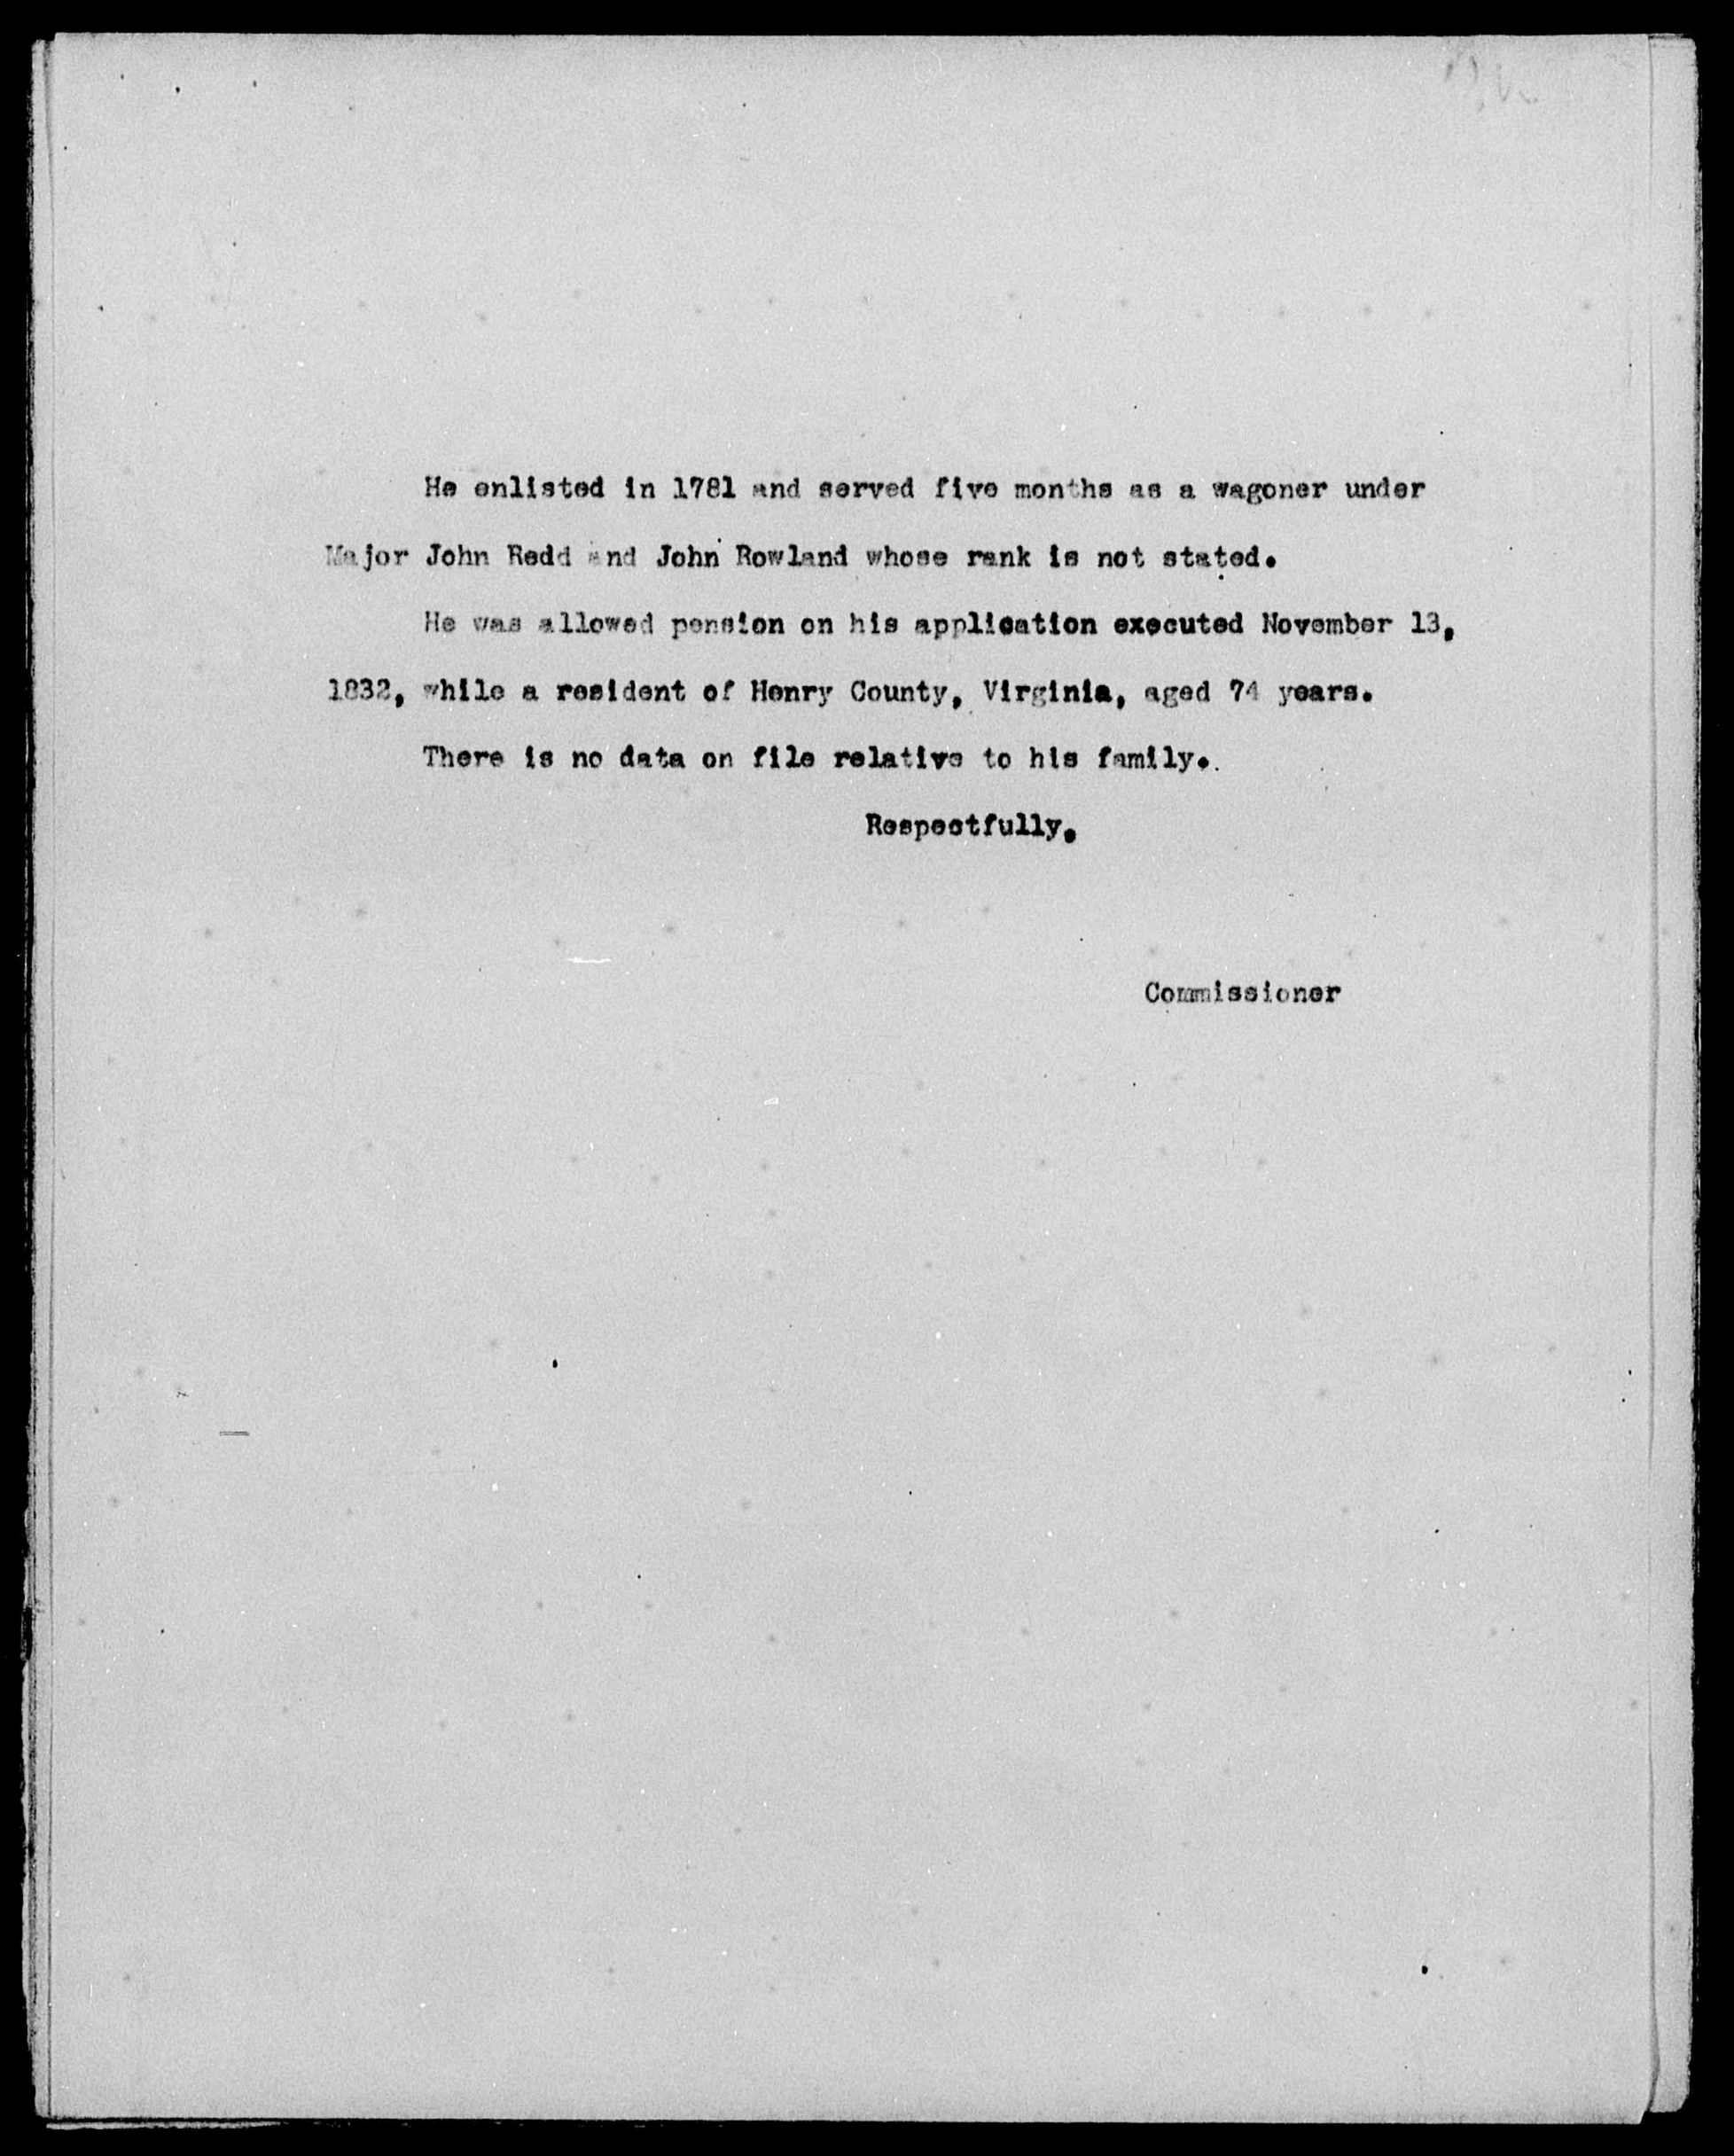He enlisted in 1781 and served five months as a wagoner under Major John Redd and John Rowland whose rank is not stated. 
He was allowed pension on his application executed November 13, 1832, while a resident of Henry County, Virginia, aged 74 years. 
There is no data on file relative to his family. 
Respectfully, 
Commissioner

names: John Redd, John Rowland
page: 18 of 20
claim: survivor's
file: S. 8519, Lewis Franklin, N.C. Va.